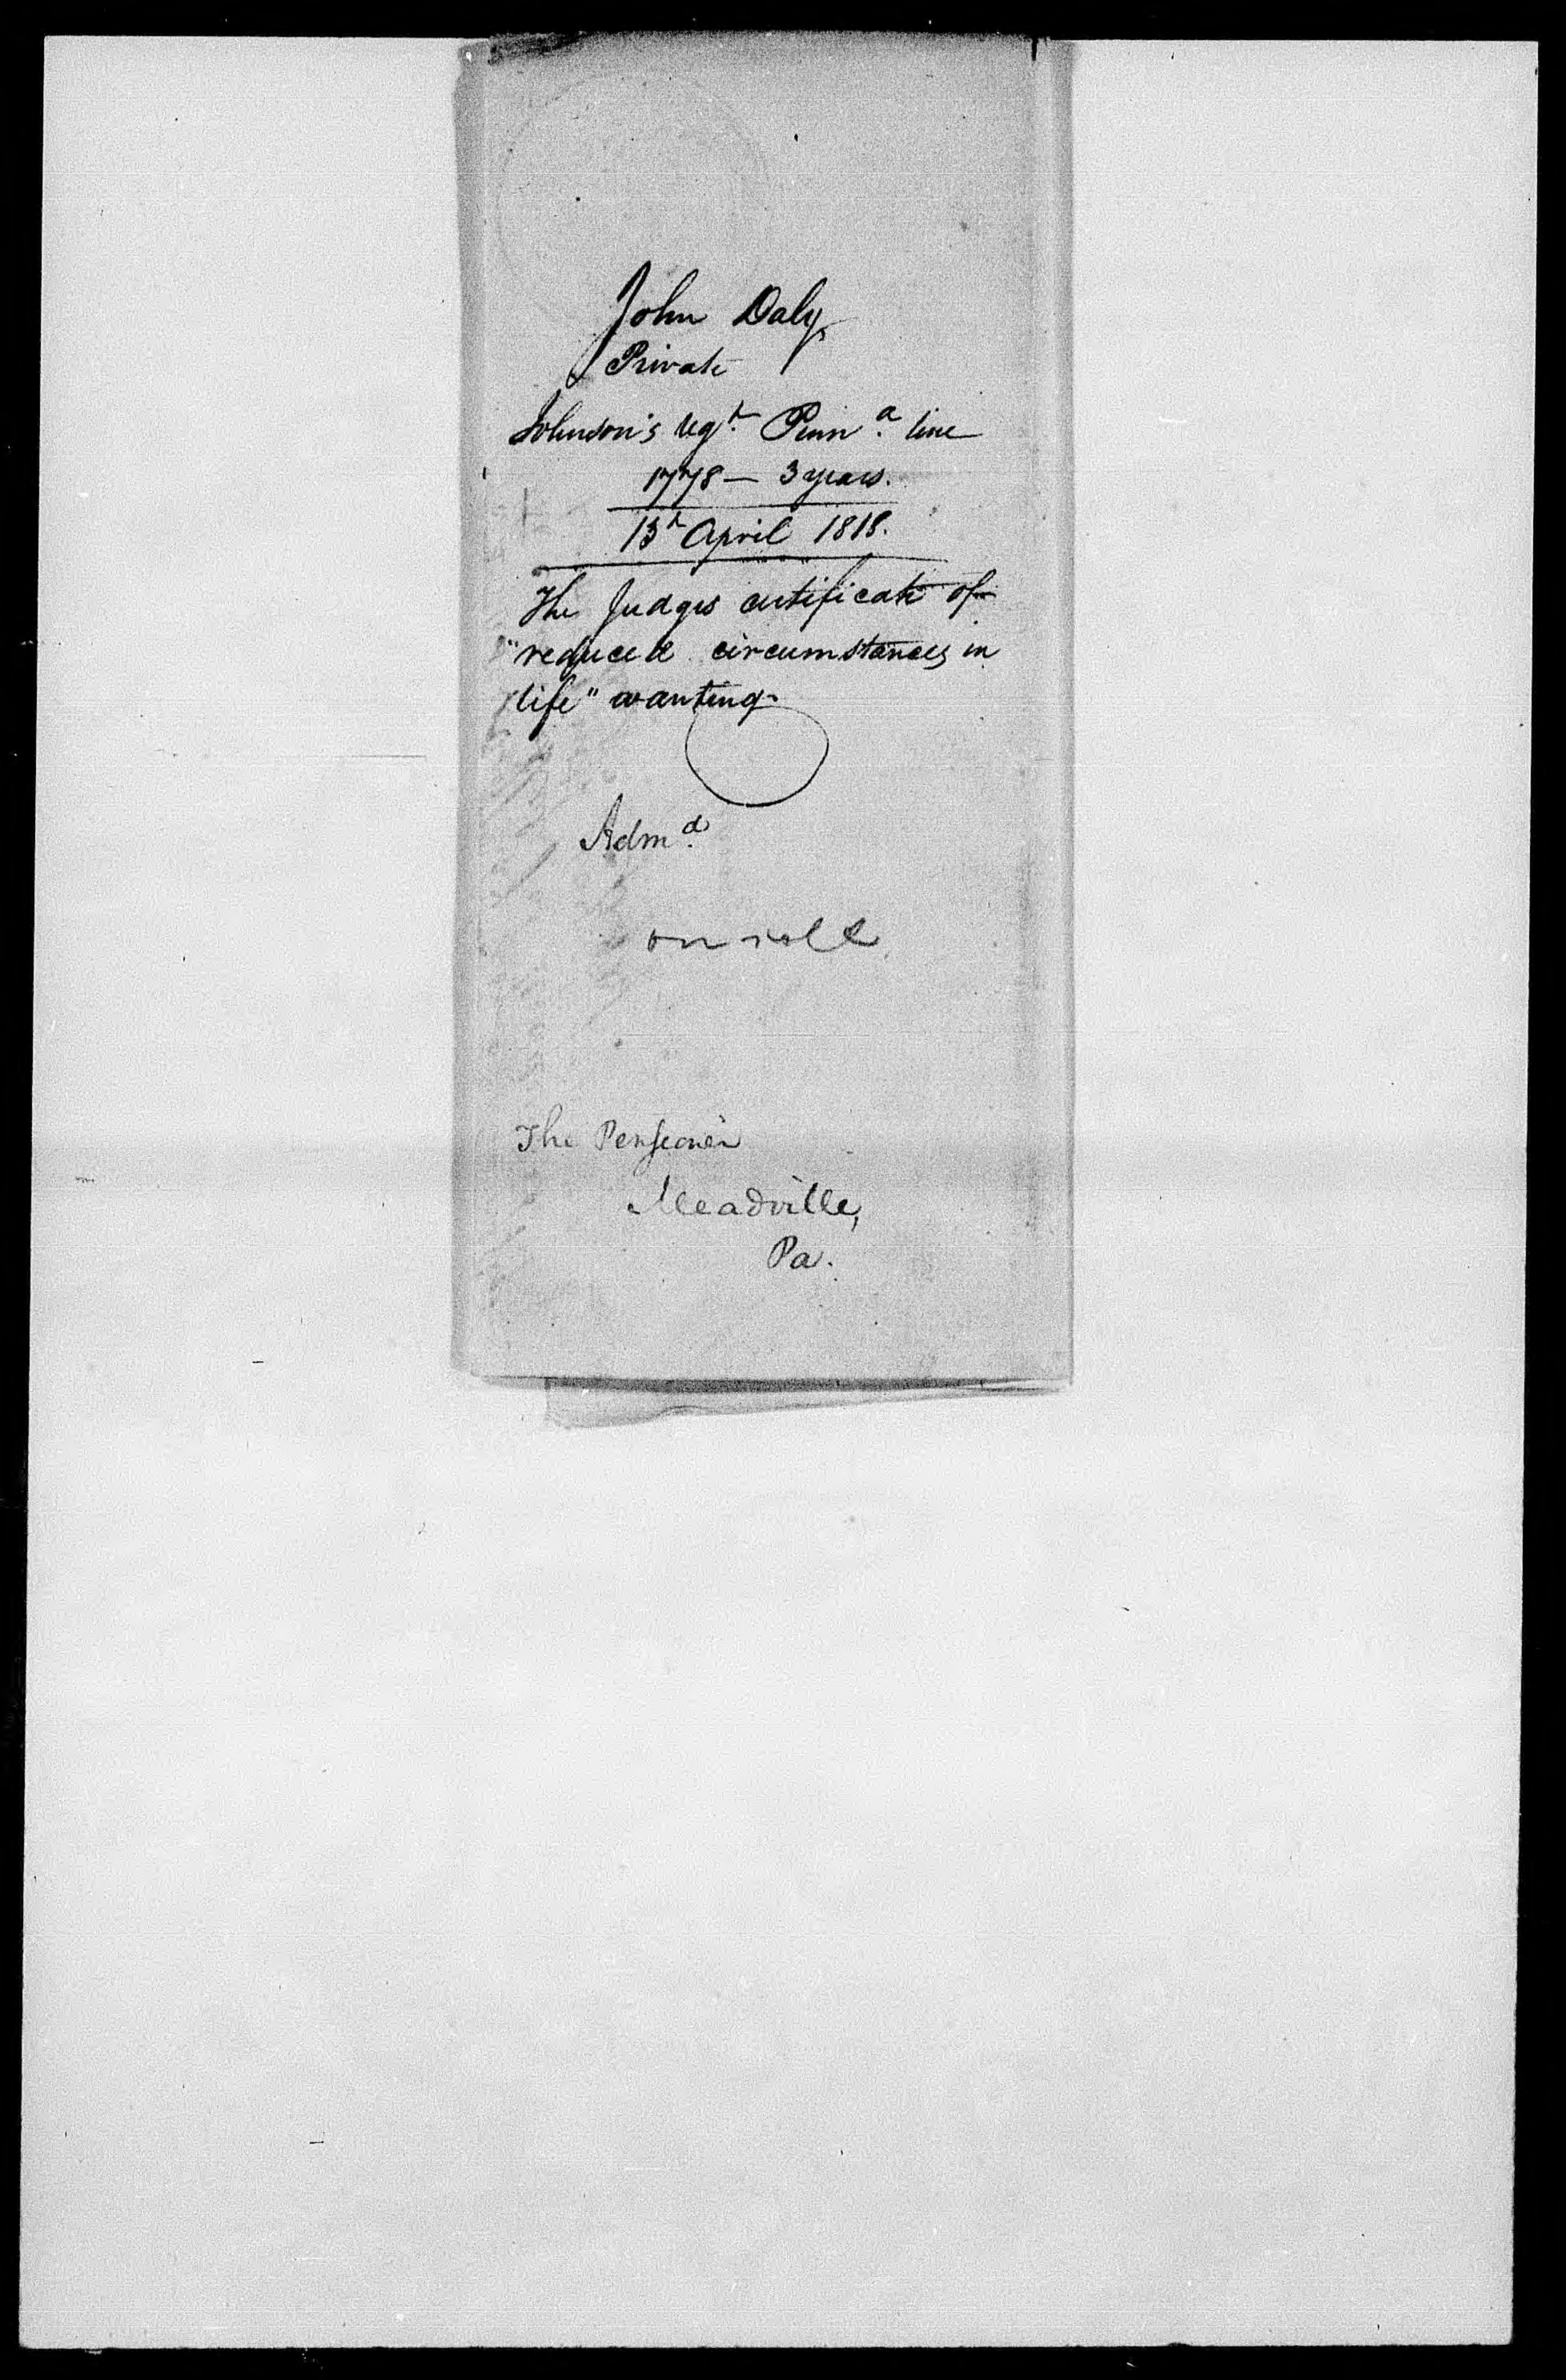John Daly
Private
Johnson's Regt Penna line
1778 - 3 years
__________________
15th April 1818
_________________
The Judges certificate of
"reduced cumstances in
life" wanting

Admd.
on roll

The Pensioner
Meadville,
Pa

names: John Daly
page: 25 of 63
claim: widow's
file: W. 3228, John Daly, Penn.